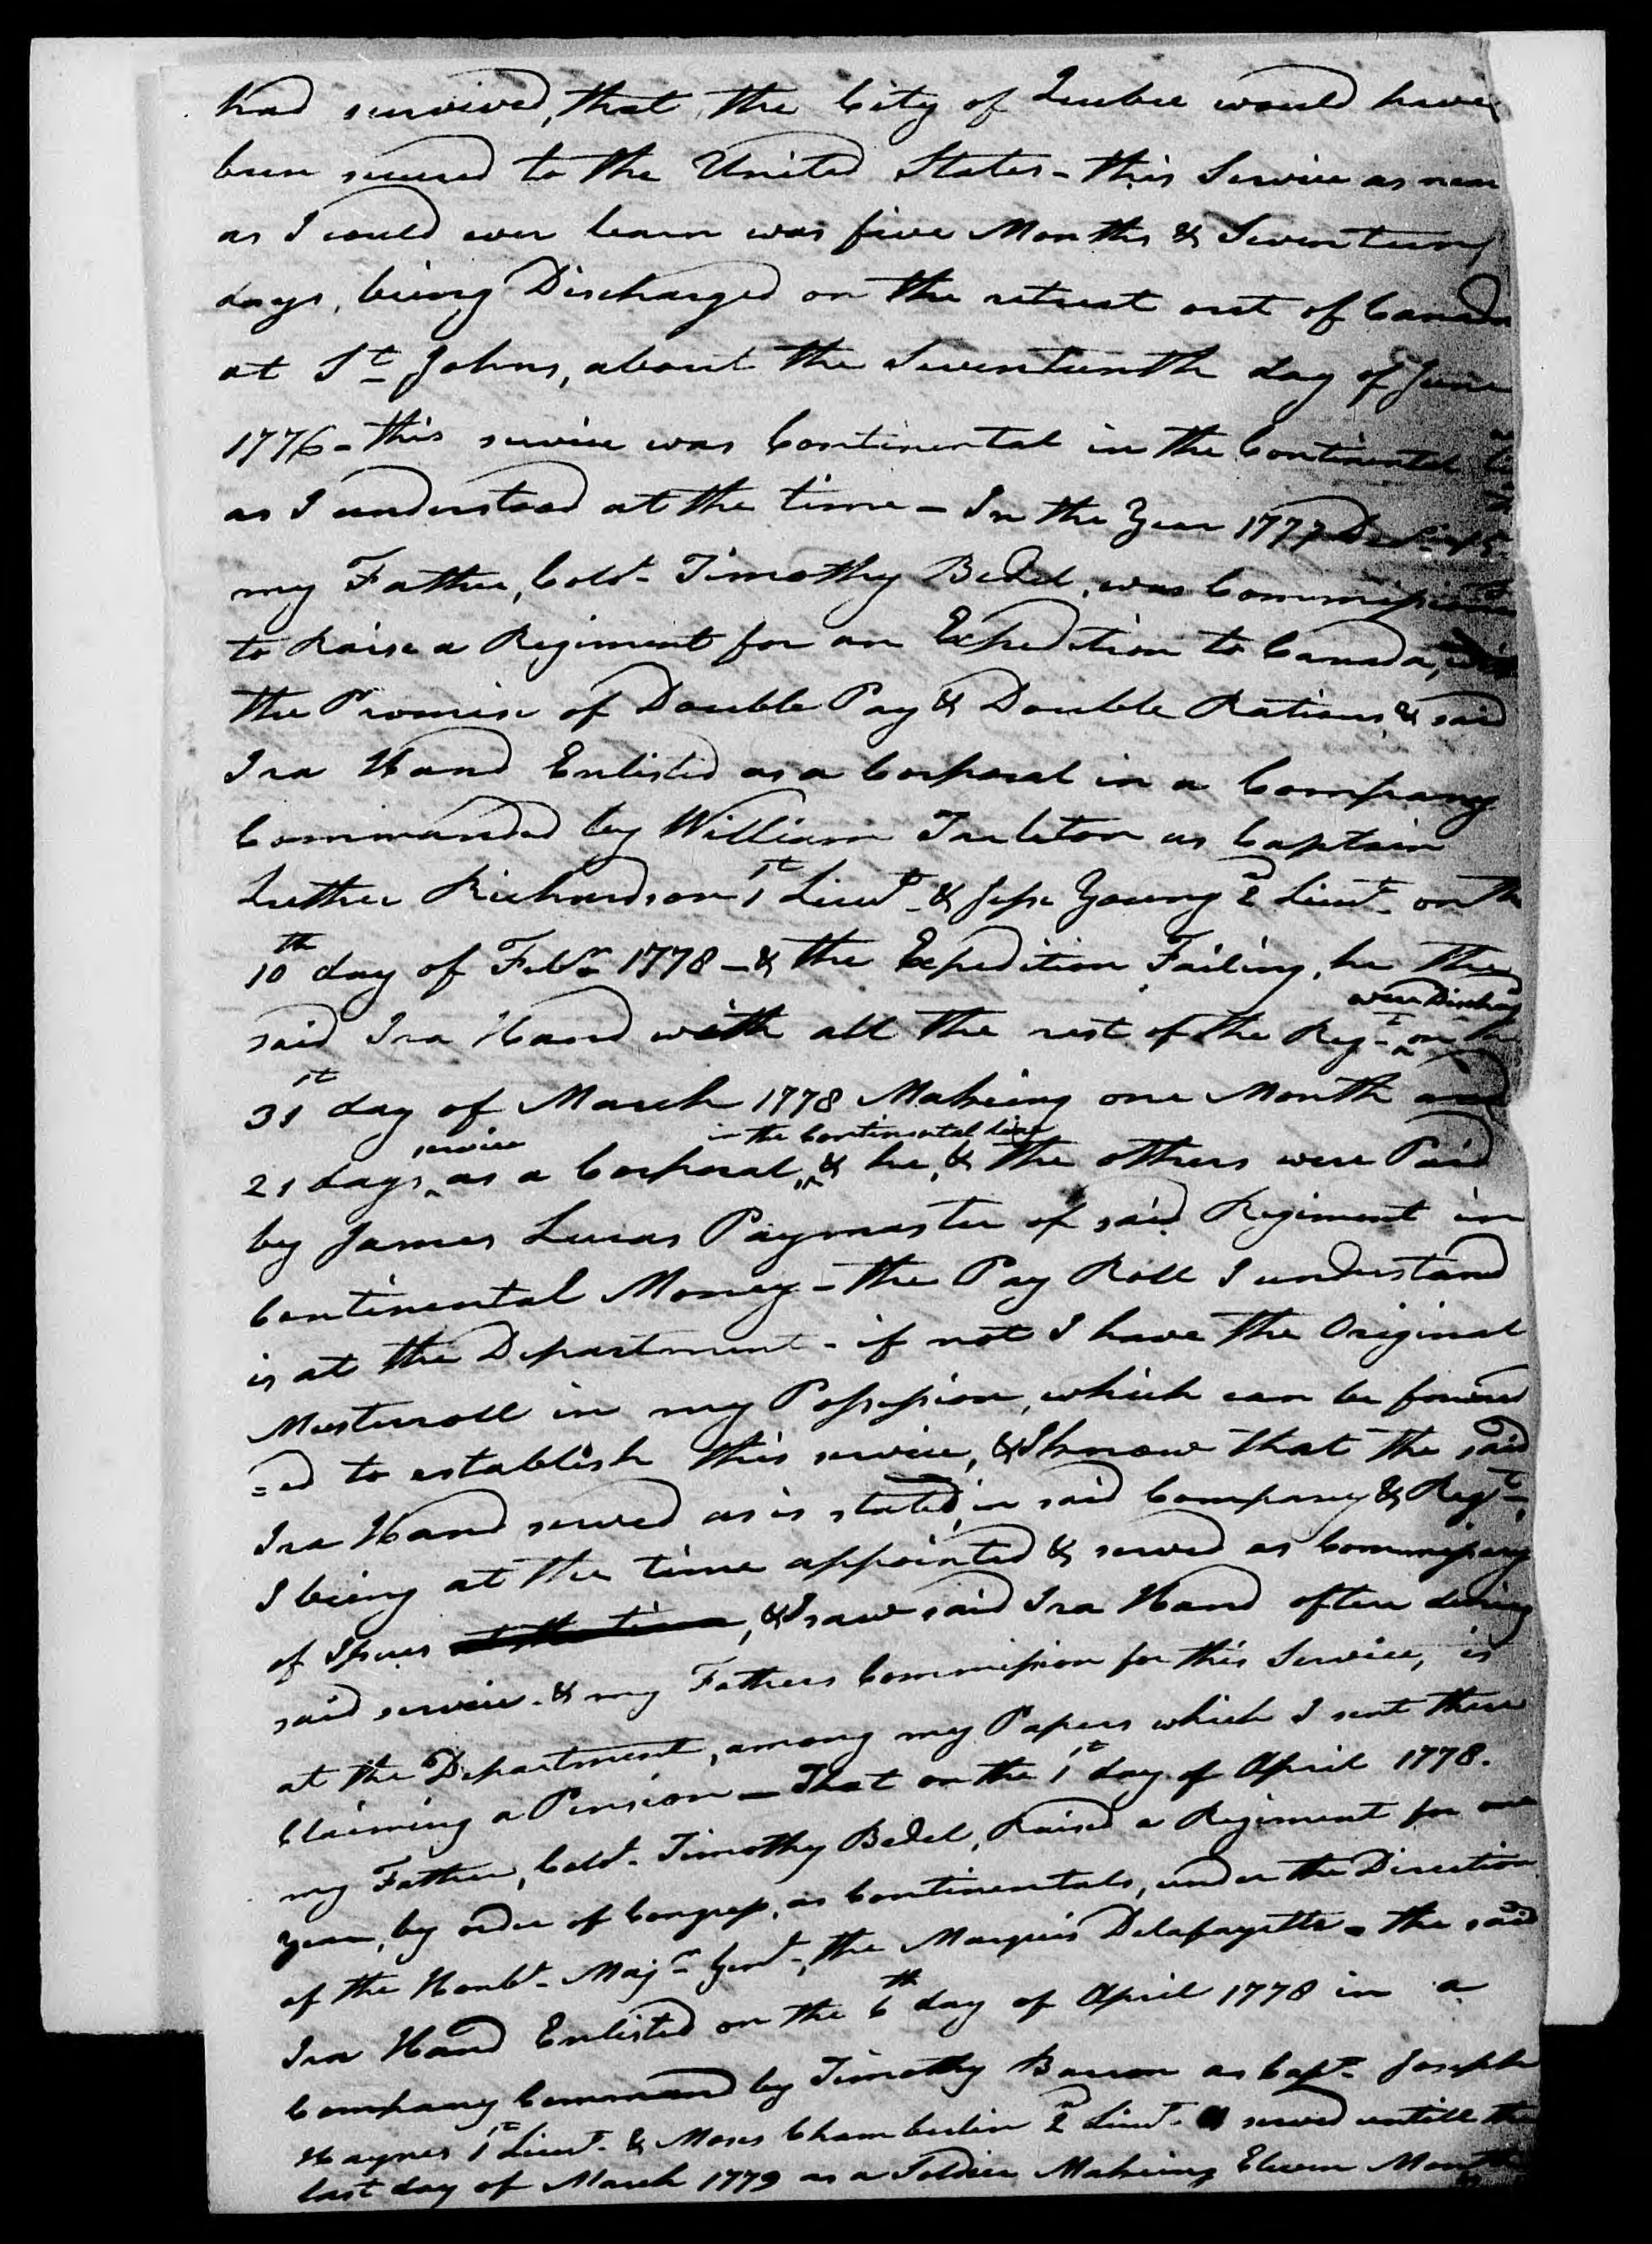had survived, that the City of Quebec would have
been read to the United States this service as near
as I could ever learn was five months & Seventeen
days, being discharged on the retrust out of and
at St Johns, about the Seventeenth day of June
1776 - this service was continental in the Continent
as I understood at the time -- In the year 1779
my Father, Col Timothy Bedel was Commissioned
to Raised Regiment for an
Canada
the Promise of Double Pay & Double rations & said
Ira Hand Enlisted as a Corporal in a Company
commanded by William Tilton as Captain
Luther Richardson 1st Lie & Jesse Young & Let out
10th day of Feby 1778 & the Expedition failing, he the
to
even
said Ira Hand with all the rest of the Regt
31 day of March 1778 making one month
21 days as a part the others were par
by James Lucas Paymaster of said Regiment
-
Continental money the Pay Roll I understand
is at the Department, if not I have the Original
Master all in my possession, which can be found
to establish this service, & know that the said
In Hand served as is stated in said Company & Regt
at the time appointed & served as Commissary
saw said Ira Hand often
said service & my
Fathers Commission for this service, is
at the Department among my papers which I not there
claiming a Pension. That on the 11 day of April 1778
the Timothy Bedel raised a Regiment for
belong continental, under the direction
of the Maud Maj. Sent the Marquis Delafayeth the said
I enlisted on the 6th day of April 1778 in
Company command by Timothy Barron as Capt. Joseph ┃
Haynes L & Moses Chamberlin is served until the
last day of March 1777 as a Soldier Making Eleven M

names: Joseph Haynes, James Lucas, Jesse Young, Ira Hand, Ira Hand, Marquis Delafayette, Moses Chamberlin, Timothy Barron, William Tarleton, Timothy Bedel, Ira Hand, Ira Hand, Luther Richardson, Timothy Bedel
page: 33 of 42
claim: widow's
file: W. 19,722, Ira Hand, N.H. Vt.